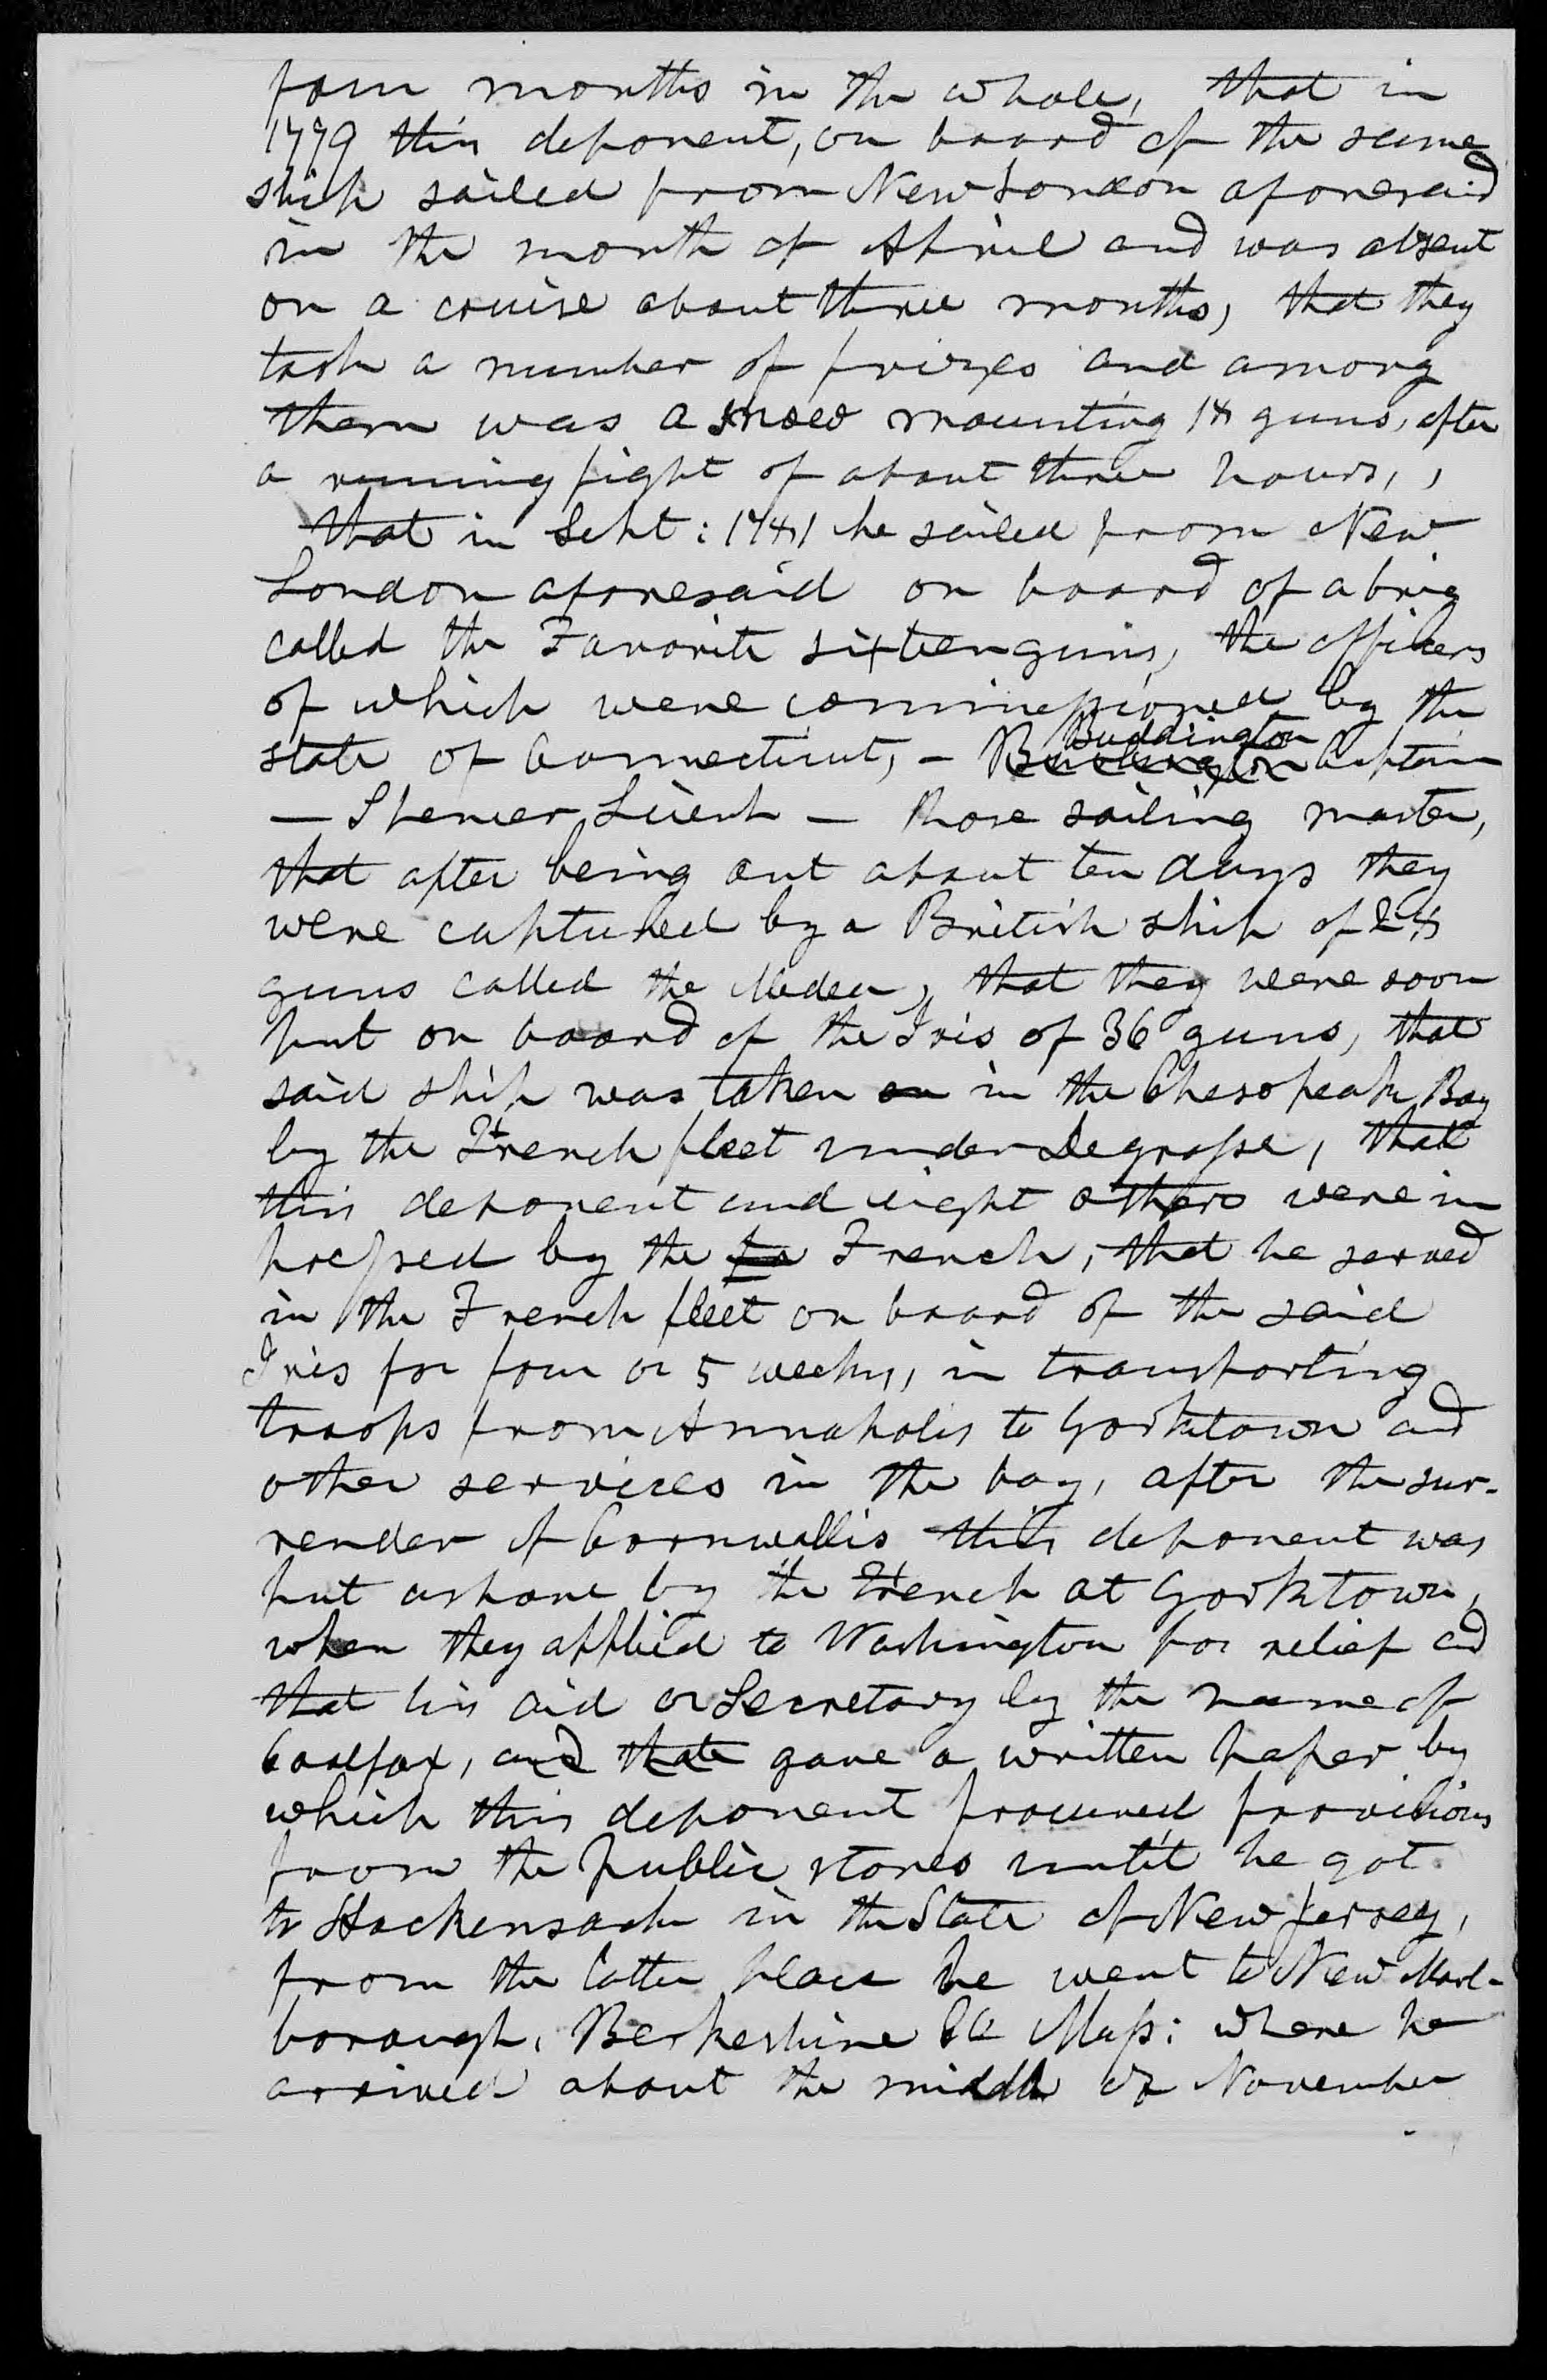four months in the whole, that in 1779 this deponent, on board of the same ship sailed from New London aforesaid in the month of April and was absent on a cruise about three months, that they took a number of prizes and among them was a show mounting 18 guns, after a running fight of about three hours, that in Sept 1781 he sailed from New London aforesaid on board of a brig called the Favorite sixteen guns, the officers of which were commissioned by the state of Connecticut, - Buddington Captain - [illegible] Lieut - those sailing master, that after being out about ten days they were captured by a British ship of 28 guns called the Medea, that said ship was taken on in the Chesapeake Bay by the French fleet under Degrasse, that this deponent and eight others were in [illegible] by the French, that he served in the French fleet on board of the said Iris for four or 5 weeks, in transporting troops from Annapolis to Yorktown and other services in the bay, after the surrender of Cornwallis this deponent was put ashore by the French at Yorktown when they applied to Washington for relief and that his aid or Secretary by the name of Coalfax, and that gave a written paper by which this deponent procured provisions from the public stores until he got to Hackensack in the State of New Jersey, from the latter place he went to New Marlborough, Berkeshire Mass. where he arrived about the middle of November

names: Spencer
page: 6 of 61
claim: widow's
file: W. 4.124, Luther Barney, Conn. Privateer.